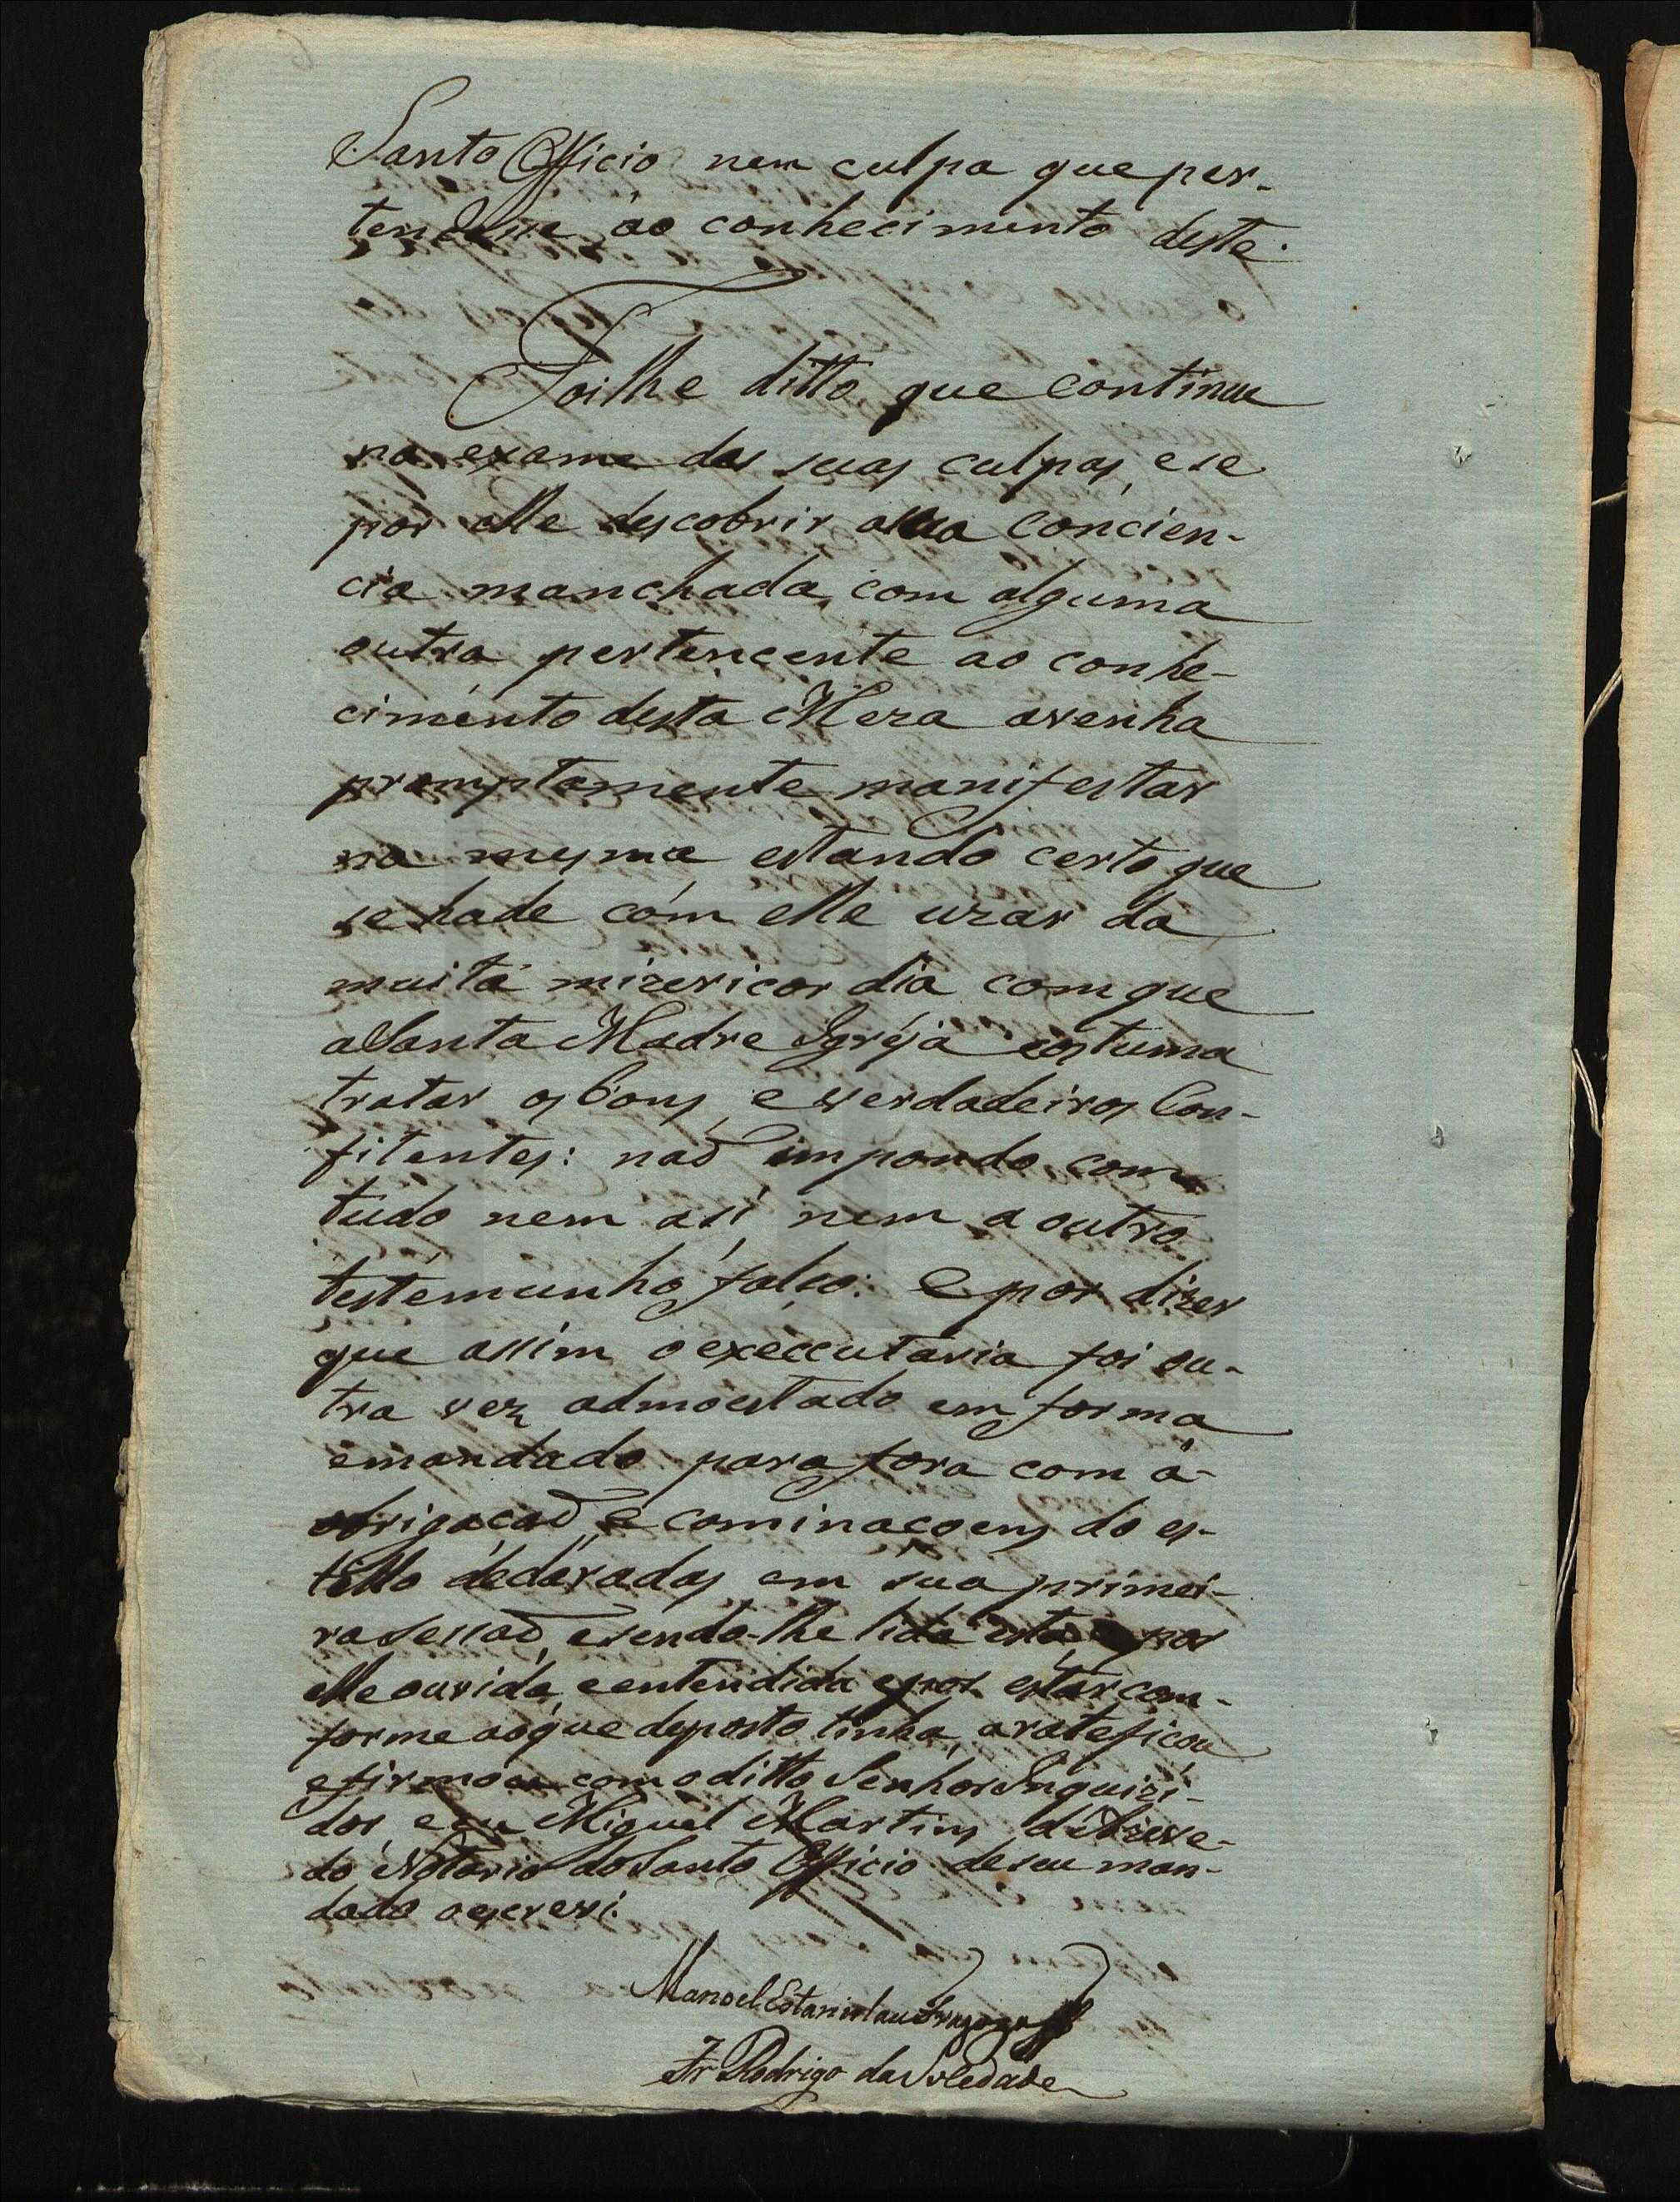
Santo Officio, nem culpa que per
tencesse ao conhecimento deste.
Foilhe ditto que continue
no exame das suas culpas, e se
por elle descobrir a sua concien
cia manchada com alguma
outra pertencente ao conhe
cimento desta Meza a venha
promptamente manifestar
na mesma, estando certo que
se hade com elle uzar da
muita mizericordia com que
a Santa Madre Igreja costuma
tratar os bons, e verdadeiros Con
fitentes: naõ impondo com
tudo, nem a si nem a outro
testemunho falso: e por dizer
que assim o execcutaria foi ou
tra vez admoestado em forma
e mandado para fora com a
obrigaçaõ E cominaçoens do es
tillo decaradas em sua primei
ra sessaõ, e sendo-lhe lida esta _ por
elle ouvida, e entendida e por estar com
forme ao que deposto tinha, a rateficou
e firmou com o ditto Senhor Inquizi
dor, e eu Miguel Martins d'Azeve
do Notario do Santo Officio de seu man
dado o escrevi:
Manoel Estanislau Fragozo
Fr Rodrigo da Soledade
